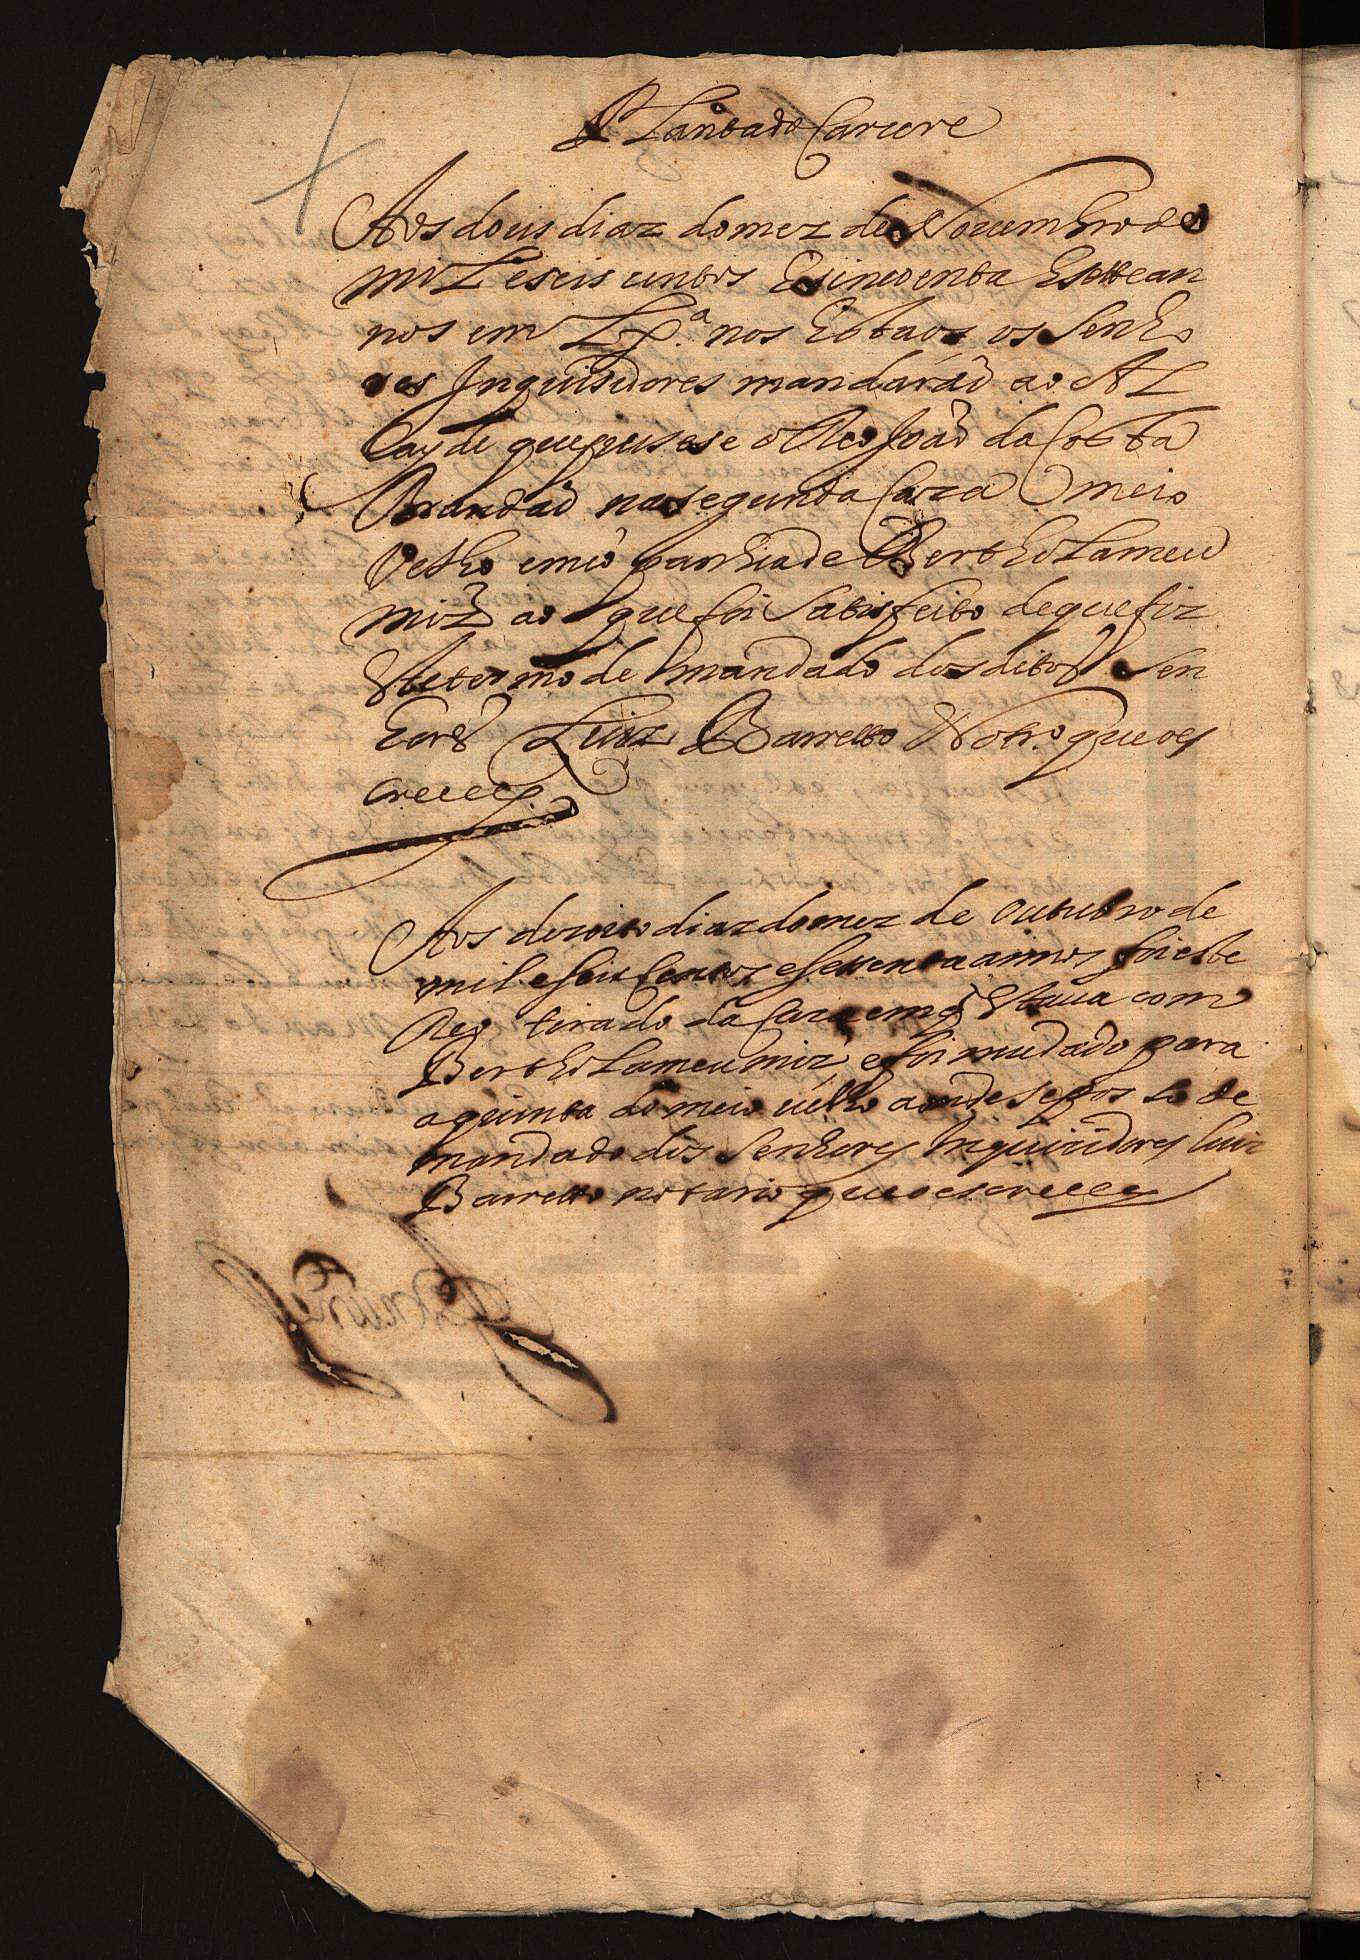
PLanta do Carcere
Aos dous diaz do mez de Nouembro de
miL e seiscentos E sincoenta E sette an
nos em Lx.a nos Estaos, os Senho
res Jnquisidores mandarão ao AL
Cayde que pusese o Reo Joaõ da Costa
Brandaõ na segunda Caza meio
Velho em cōpanhia de Bertholameu
miz̄ ao que foi satisfeito de que fiz
este termo de mandado dos ditos Sen
hores Luiz Barretto Notr.o que o es
creuy
Aos dezoito diaz do mez de Outubro de
mil e seisCentos e sessenta annos foi este
Reo tirado da Caza em q̄ estaua com
Bertholameu miz̄, e foi mudado para
a quinta do meio uelho aonde se pos so de
mandado dos Senhores Inquizidores luiz
Barretto notario que o escreuy
